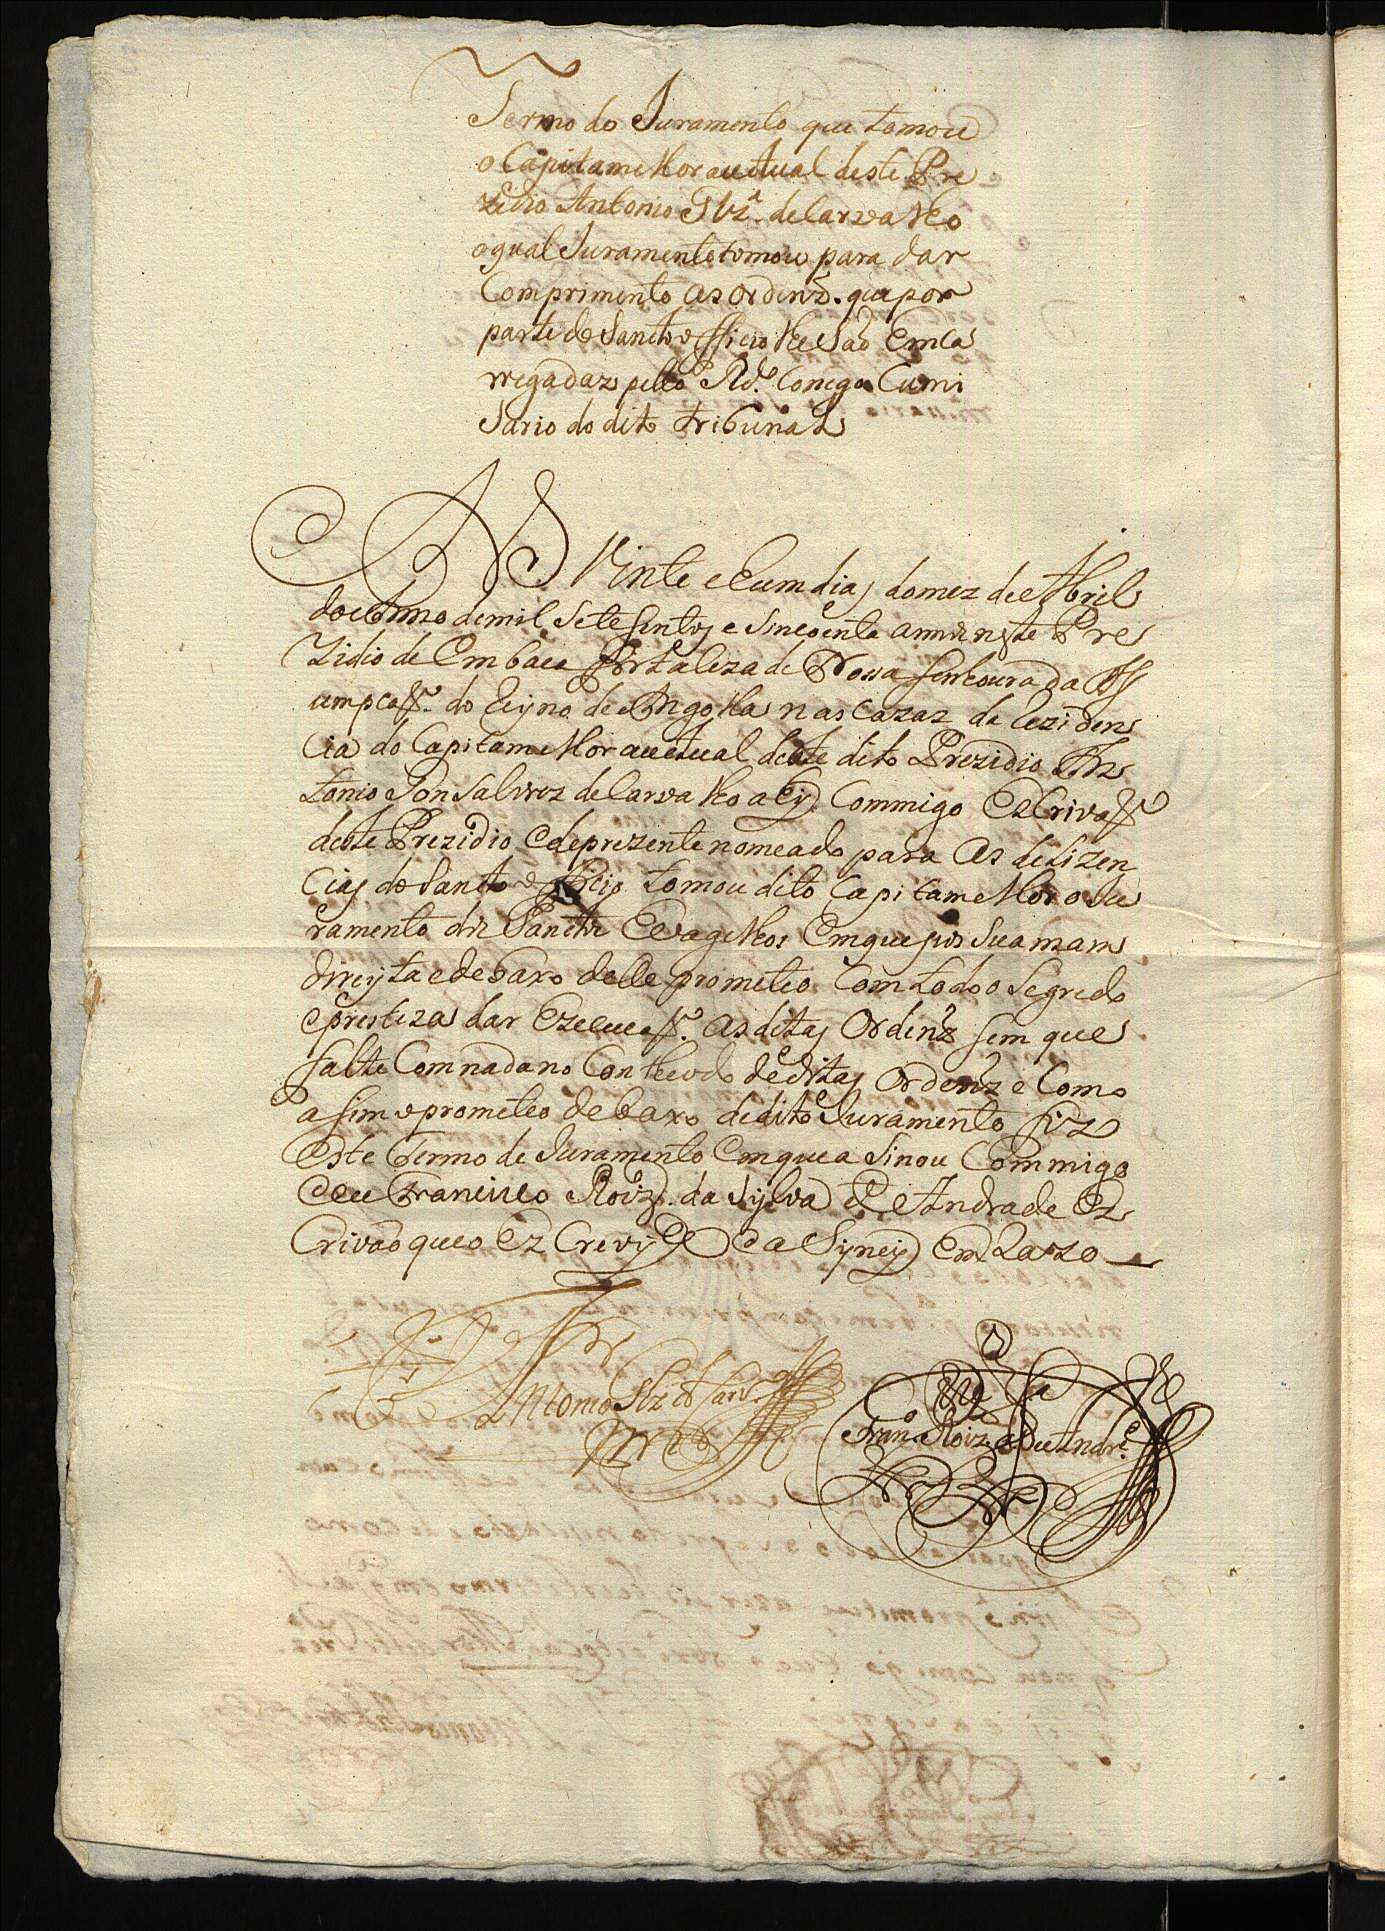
Termo do Iuramento que tomou
o Capitam Mor auctual deste Pre
zidio Antonio Glz̄ de Carvalho
o qual Iuramento tomou para dar
Comprimento as ordenz̄. que por
parte do Sancto officio lhe Saõ Emca
rregadaz pello Rd.o Conego Cumi
Sario do dito TribunaL
AOS Vinte e hum dias do mez de Abril
do Anno de mil setesentos e sincoenta annoz neste Pre
Zidio de Embaca fortaleza de Nossa Senhoura da As
umpçaõ do Reyno de Angolla nas cazaz da Reziden
cia do Capitam Mor auctual deste dito Prezidio An
tonio Gonsalvrez de Carvalho ahy Commigo EsCrivaõ
deste Prezidio e de prezente nomeado para As delizen
Cias do Sancto officio tomou dito Capitam Mor o Iu
ramento dos Sanctos Evagelhos Em que pos sua mam
direyta e debaxo delle prometeo Com todo o segredo
e presteza dar Ezecuçaõ. As ditas Ordenz̄ sem que
falte Com nada no Contheodo de ditas Ordenz̄, e Como
asim o prometeo debaxo de dito Iuramento fiz
Este Termo de Iuramento Em que asinou Commigo
E eu Francisco Roiz̄ da Sylva d̄ Andrade Ez
Crivão que o EzCrevy e aSyney em Raza
Antonio Glz̄ d̄ Carv.o
Fran.Co Roiz̄ d De Andr.e
